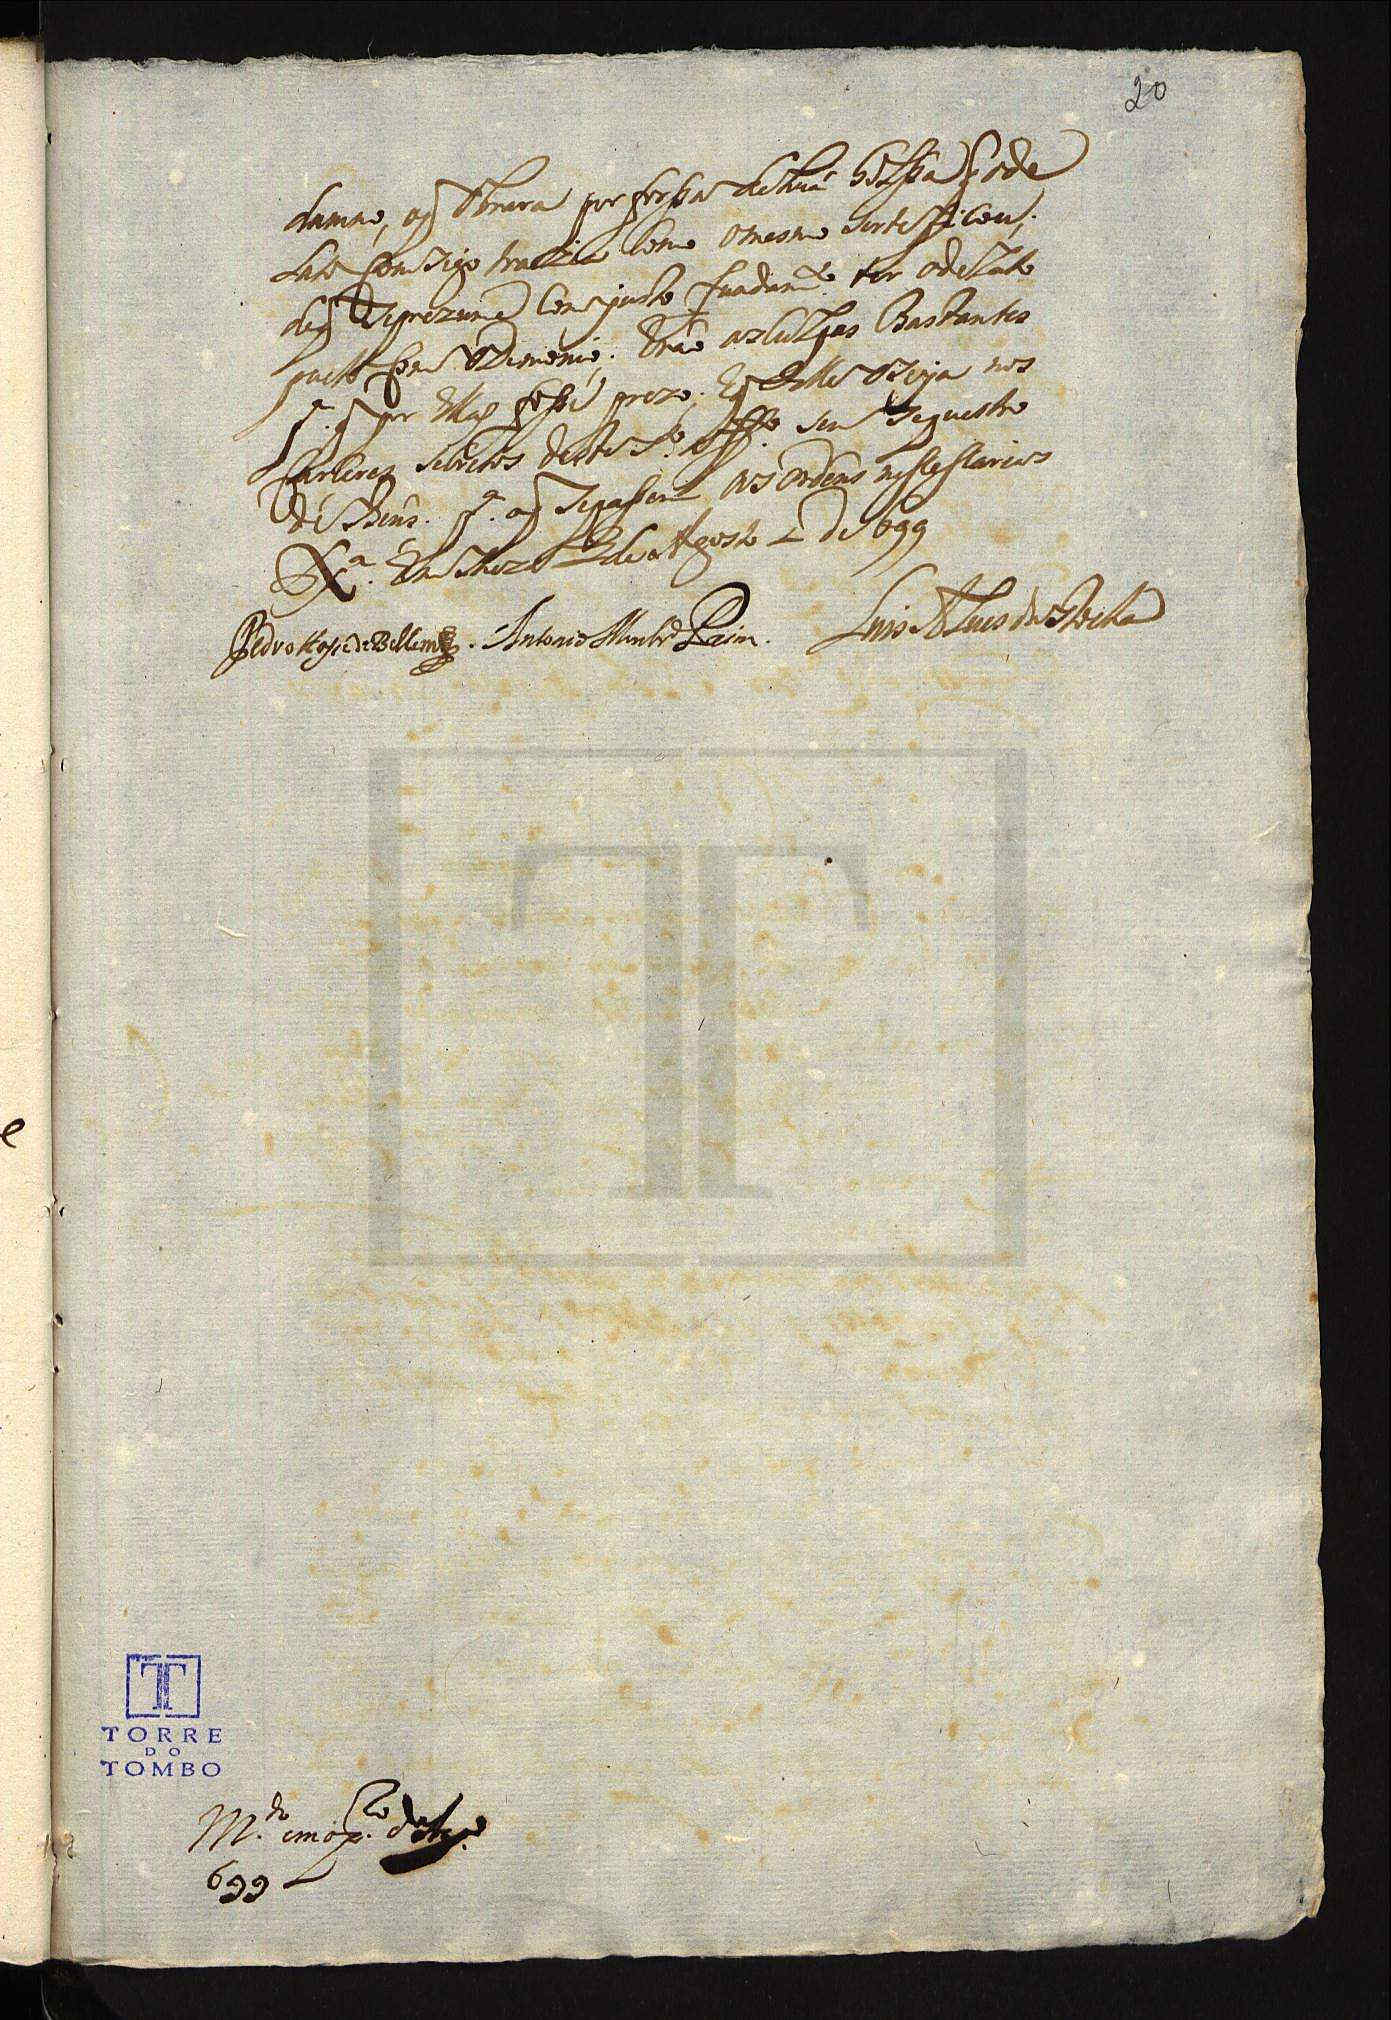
damno, o q̄ obrara por forssa de huā bolssa q̄ o de
lato Consigo trazia Como o mesmo serteficou;
de q̄ se prezume como justo fundam.to ter o delato
pacto Com o Demonio; E naõ as Culpas Bastantes
pa. q̄ por Ellas fosse prezo. E q̄ Elle o seja nos
Carceres secretos deste s.to off.o sem sequestro
de Bens̄. p.a o q̄ se passem as ordens nessessarias
LX.a Em Meza E de Agosto 1 de 699
